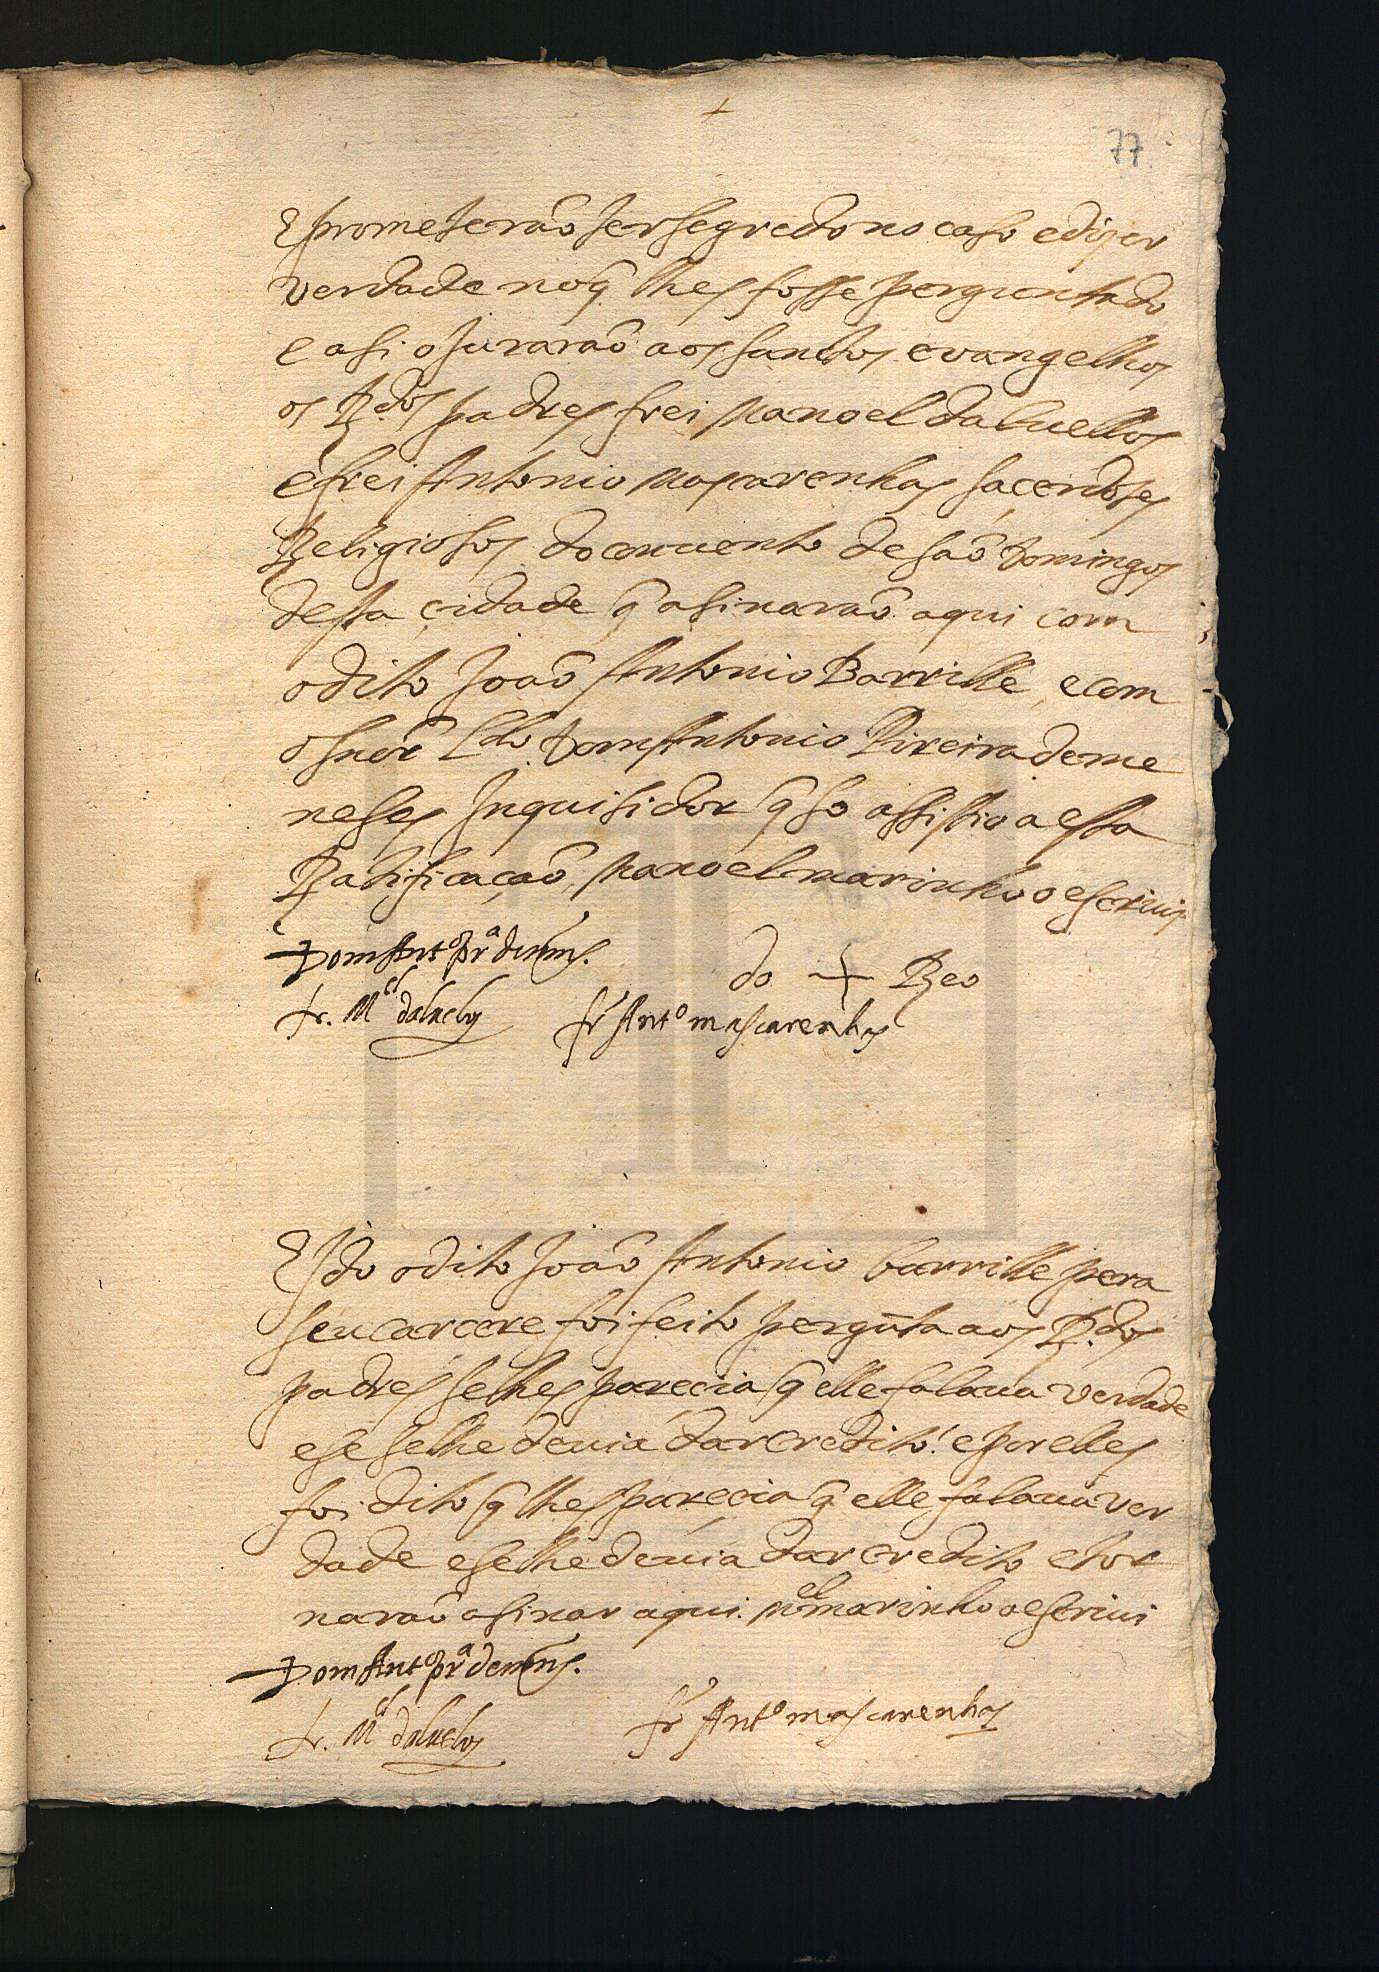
E prometeraõ ter segredo no caso e dizer
verdade no q̄ lhes fosse perguntado
E asi o Juraraõ aos sanctos evangelhos
os R.dos padres frei Manoel daluellos
e frei Antonio Mascarenhas saçerdotes
Religiosos do conuento de saõ Domingos
desta çidade q̄ asinaraõ aqui com
o dito Joaõ Antonio Barrille, e com
o snor̄ Ldo Dom Antonio Pireira de me
neses Jnquisidor q̄ so assistio a esta
Ratificaçaõ, Manoel marinho o escriuj
E Jdo o dito Joaõ Antonio barrille pera
seu carçere foi feito pergūta aos R.dos
padres se lhes pareçia q̄ elle falaua verdade
e se se lhe deuia dar credito? e por elles
foi dito q̄ lhes pareçia q̄ elle falaua ver
dade e se lhe deuia dar credito e tor
naraõ asinar aqui Mel marinho o escriui
